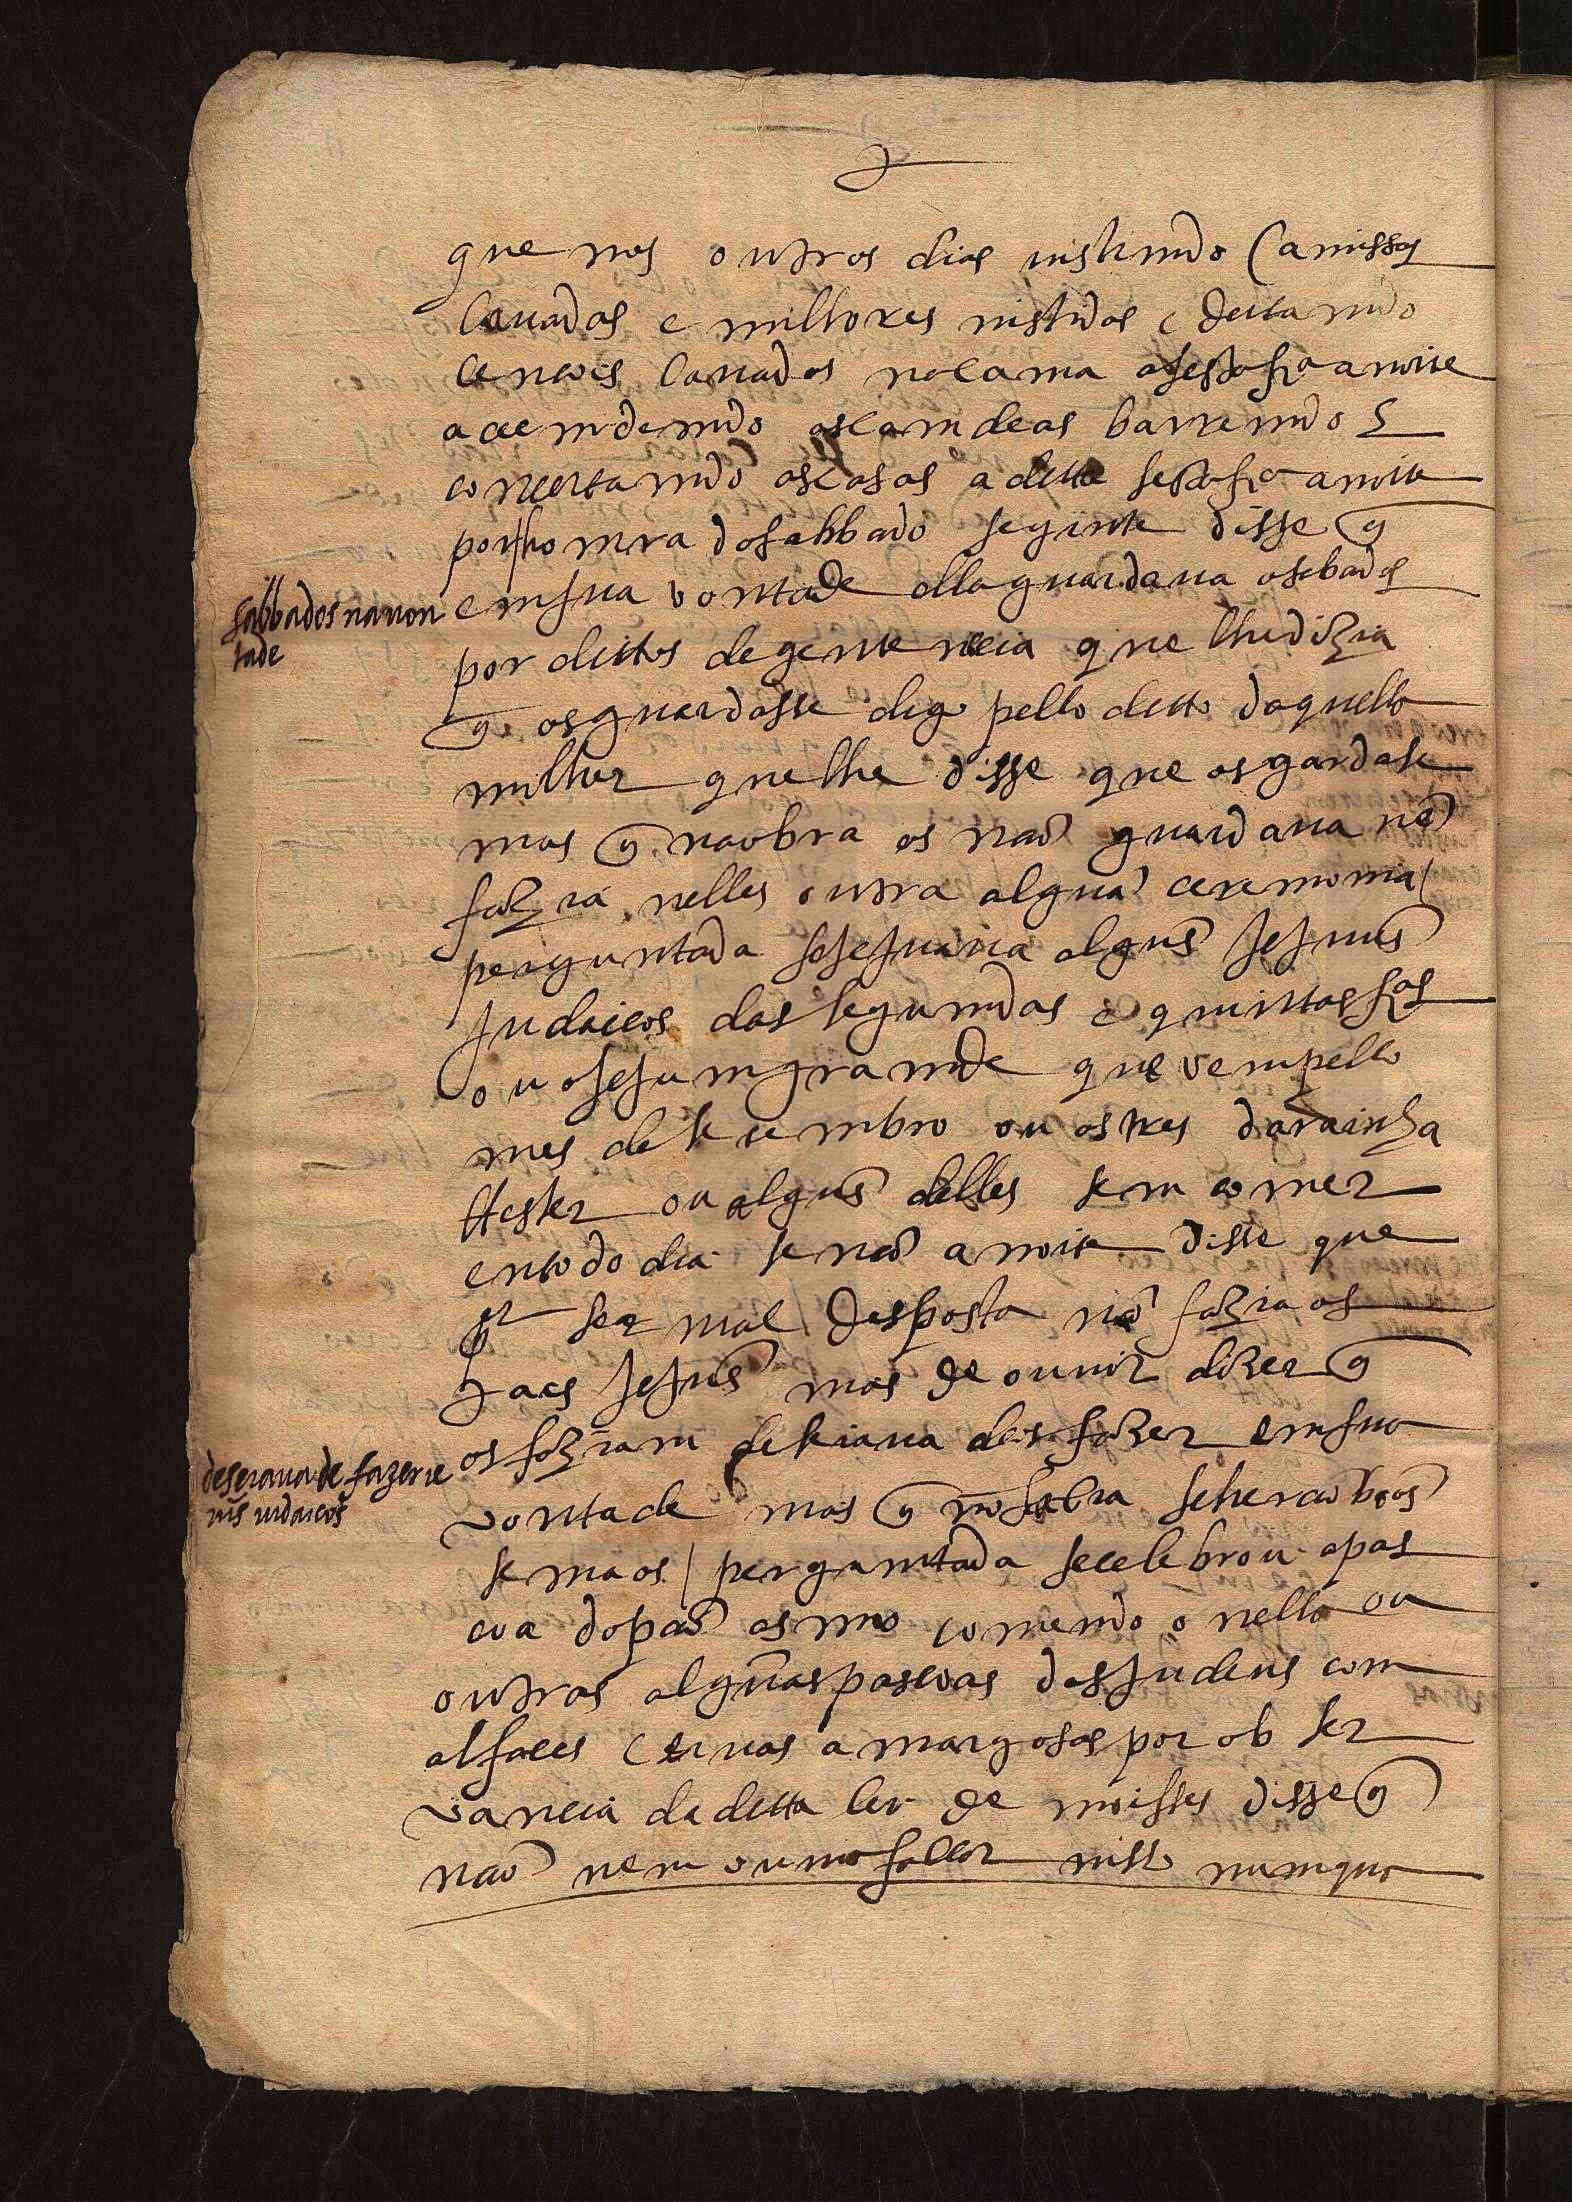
sabbados na uon
tade
descraua de fazer ie
iūs iudaicos
que nos outros dias uistimdo Camissas
lauadas e milhores uistidos e deitamdo
lencoes lauados na cama a sesta fra a noite
aceemdemdo as camdeas barremdo E
concertamdo as casas a ditta sesta fra a noite
por homra do sabbado seginte disse q̄
em sua vontade ella guardaua o sabados
por dittos de gente necia que lhe dizia
q̄ os guardasse digo pello ditto daquella
molher que lhe disse que os gardase
mas q̄ na obra os naõ guardaua nē
fazia nelles outra alguā ceremonia /
perguntada se JeJuaua algūs JeJūs
Judaicos das segumdas e quintas fras
ou o JeJum grande que vem pello
mes de setembro ou os tres da rainha
Hester ou algūs delles sem comer
en todo dia senão a noite disse que
p̄or ser mal desposta nā fazia os
taes JeJūs mas de ouuir dizer q̄
os faziam deseiaua de os fazer em sua
vontade mas q̄ nō sabia se heraõ boōs
se maos / pergumtada se celebrou a pas
coa do paõ asmo comendo o nella ou
outras algūas pascoas dos Judeus com
alfaces e eruas amargosas por obser
vancia da ditta lei de moisses disse q̄
naõ nem ouuio fallar nisso numqua
